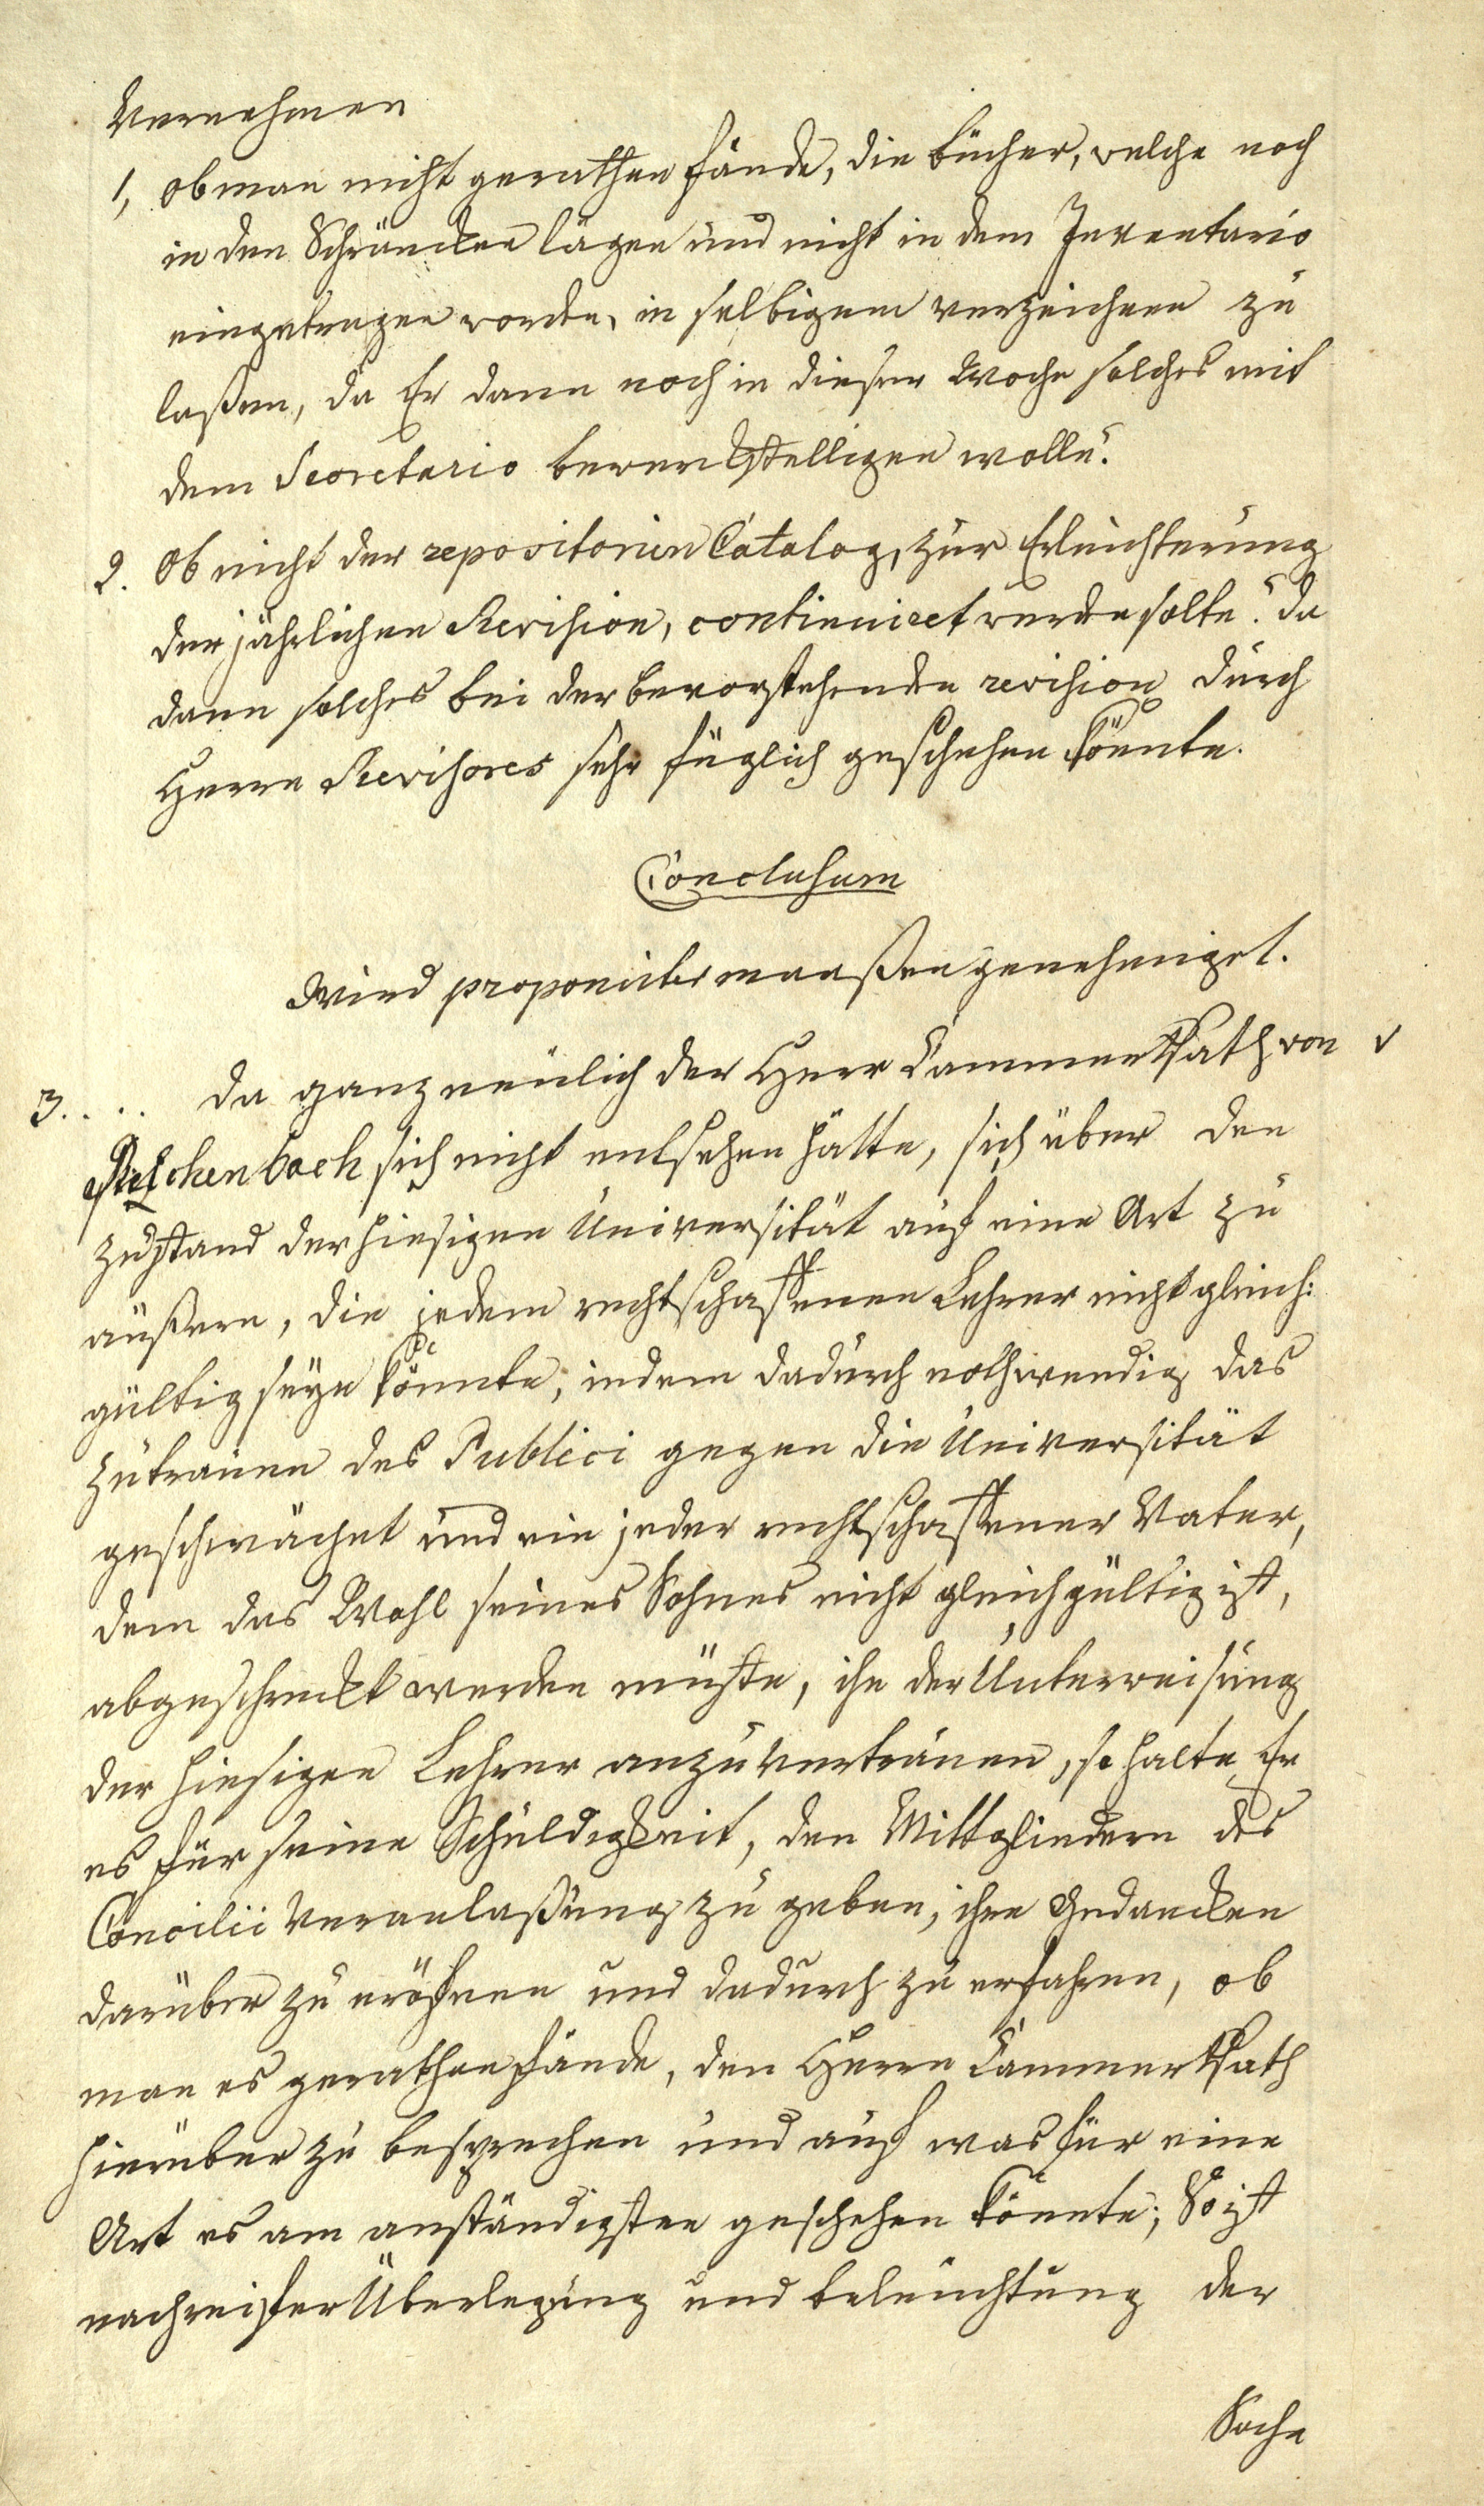vernehmen
1, ob man nicht gerathen fände, die Bücher, welche noch
in den Schräncken lägen und nicht in dem Inventario
eingetragen worden, in selbigem verzeichnen zu
laßen, da Er dann noch in dieser Woche solches mit
dem Secretario bewerckstelligen wolle?
2. Ob nicht der Repositorien Catalog, zur Erleichterung
der jährlichen Revision, continuiret werden solte? Da
dann solches bei der bevorstehenden revision durch
Herrn Revisores sehr füglich geschehen könnte.
Conclusum
Wird proponirter maaßen genehmiget.
3. da ganz neulich der Herr CammerRath von
Reichenbach sich nicht entsehen hätte, sich über den
Zustand der hiesigen Universität auf eine Art zu
äußern, die jedem rechtschaffenen Lehrer nicht gleich¬
gültig seÿn könnte, indem dadurch nothwendig das
Zutrauen des Publici gegen die Universität
geschwächet und wie jeder rechtschaffener Vater,
dem das Wohl seines Sohnes nicht gleichgültig ist,
abgeschickt werden müste, ihn der Unterweisung
der hiesigen Lehrer anzuvertrauen, so halte Er
es für seine Schuldigkeit, den Mittgliedern des
Concilii Veranlaßung zu geben, ihre Gedancken
darüber zu eröfnen und dadurch zu erfahren, ob
man es gerathen fände, den Herrn CammerRath
hierüber zu besprechen und auf was für eine
Art es am anständigsten geschehen könnte; So ist
nach reifer Überlegung und Beleuchtung der
Sache